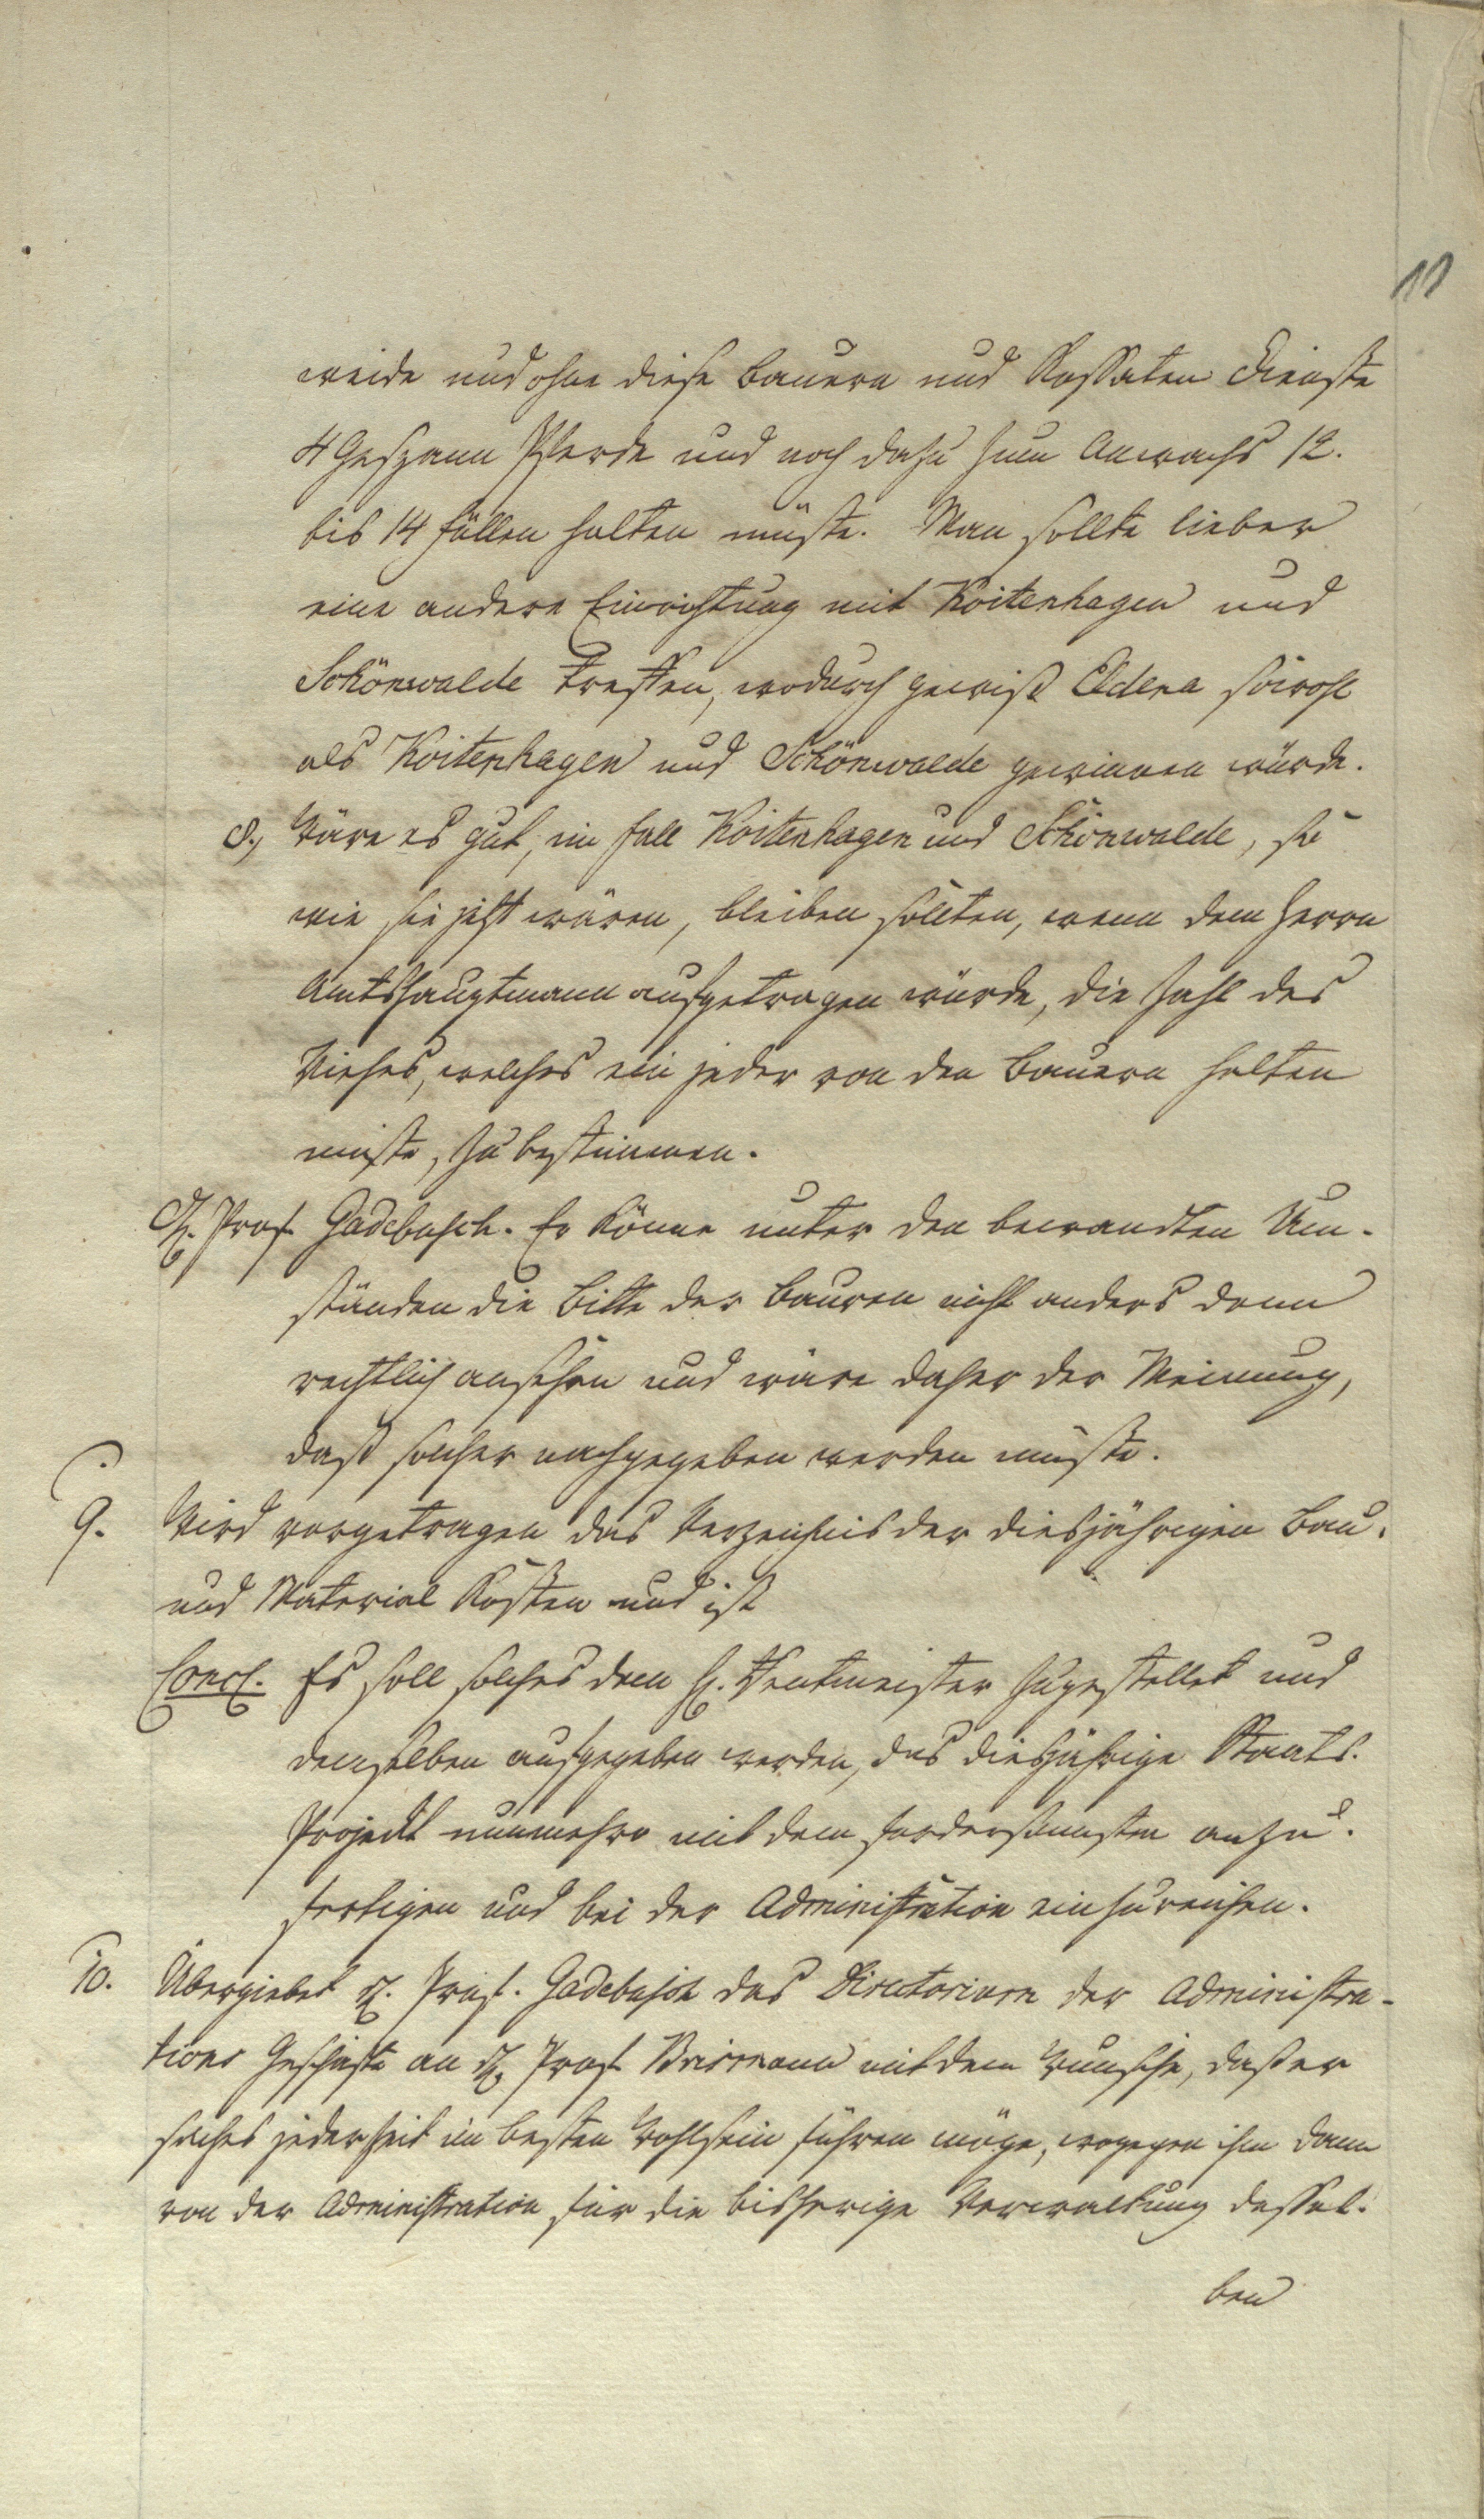weide und ohne diese Bauern und Kossaten Dienste
4 Gespann Pferde und noch dazu zum Anwachs 12
bis 14 Füllen halten müßte. Man sollte lieber
eine andere Einrichtung mit Koitenhagen und
Schönwalde treffen, wodurch gewiß Eldena sowohl
als Koitenhagen und Schönwalde gewinnen würde.
8., Wäre gut im Fall Koitenhagen und Schönwalde, so
wie sie jetzt wären, blieben sollten, wenn dem Herrn
Amtshauptmann aufgetragen würde, die Zahl des
Viehes, welches wie jeder von den Bauern halten
müßte, zu bestimmen.
dh. Prof. Gadebusch. Er könne unter den bewandten Um¬
ständen die Bitte der Bauren nicht anders denn
rechtlich ansehen und wäre daher der Meinung,
daß solcher nachgegeben werden müßte.
9. Wird vorgetragen das Verzeichnis der diesjährigen Bau—
und Material Kosten und ist
Concl. Es soll solches dh. Rentmeister zugestellet und
demselben aufgegeben werden, das diesjährige Staats—
Projekt nunmehro mit dem fordersamsten anzu¬
fertigen und bei der Administration einzureichen.
10. Übergiebet dh. Pras. Gadebusch das Directorium der Administra¬
tions Geschäfte an dh. Prof. Brismann mit dem Wunsche, daß er
solches jederzeit im besten Wohlsein führen möge, wogegen ihm dann
von der Administration für die bisherige Verwaltung dessel¬
ben